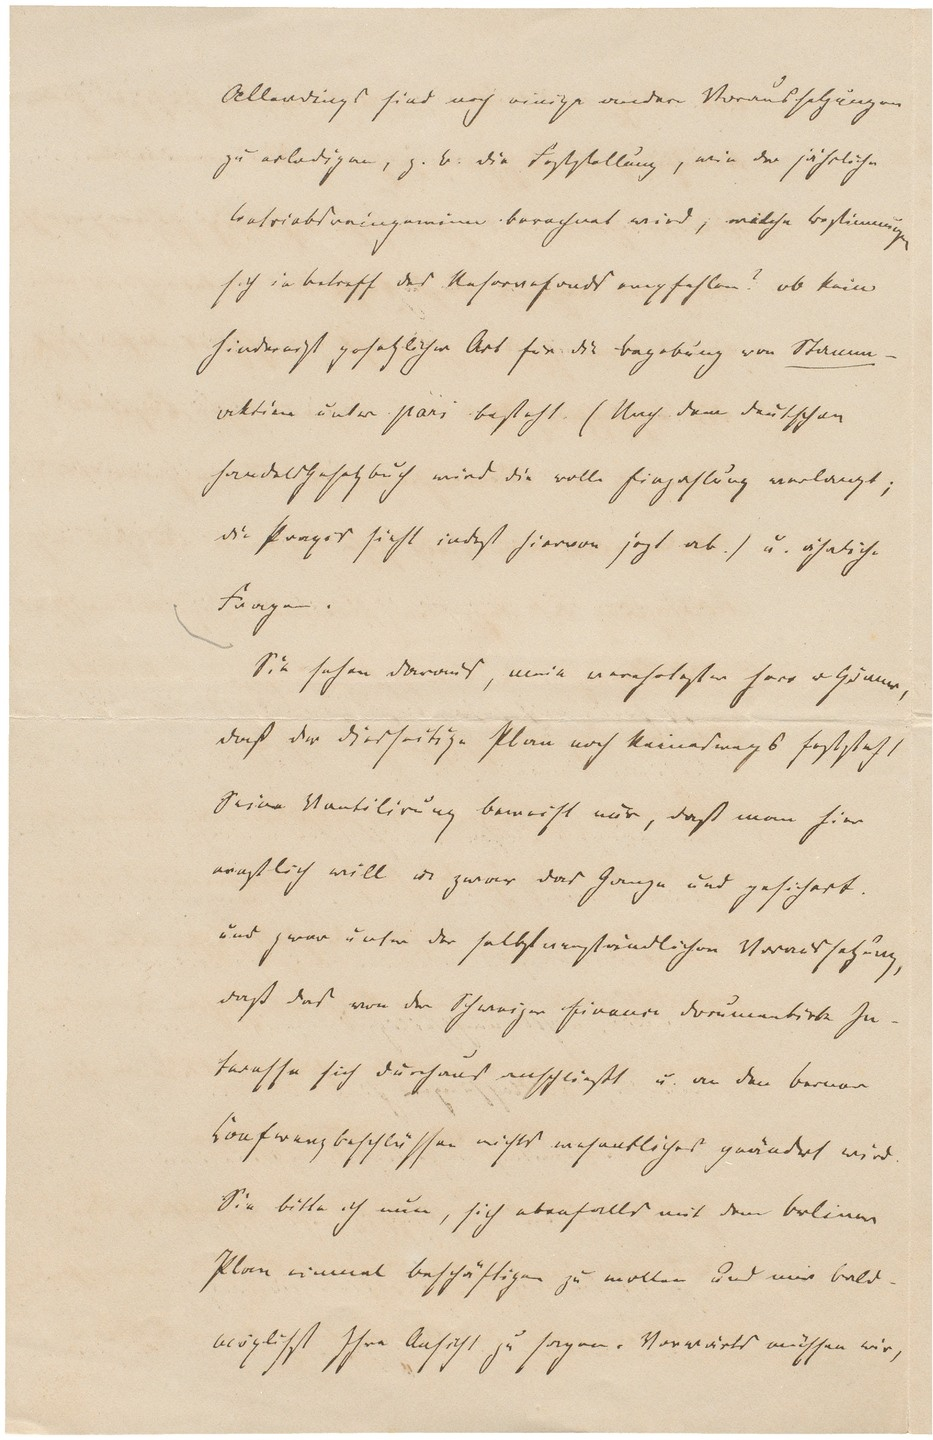Allerdings sind noch einige andere Voraussetzungen
zu erledigen, z. B. die Feststellung, wie der jährliche
Betriebsreingewinn berechnet wird, welche Bestimmungen
sich in Betreff des Reservefonds empfehlen? ob kein
Hinderniß gesetzlicher Art für die Begebung von Stamm -
aktien unter pari besteht (Nach dem deutschen
HandelsGesetzbuch wird die volle Einzahlung verlangt;
die Praxis sieht indeß hiervon jezt ab.) u. ähnliche
Fragen.
Sie sehen daraus, mein verehrtester Herr u Gönner,
daß der diesseitige Plan noch keineswegs feststeht .
Seine Ventilirung beweist mir, daß man hier
ernstlich will u. zwar das Ganze und gesichert.
und zwar unter der selbstverständlichen Voraussetzung,
daß das von der Schweizer Finance documentirte In-
teresse sich durchaus anschließt u. an den Berner
Conferenzbeschlüssen nichts wesentliches geändert wird .
Sie bitte ich nun, sich ebenfalls mit dem Berliner
Plan einmal beschäftigen zu wollen und mir bald-
möglichst Ihre Ansicht zu sagen. Vorwärts müssen wir,